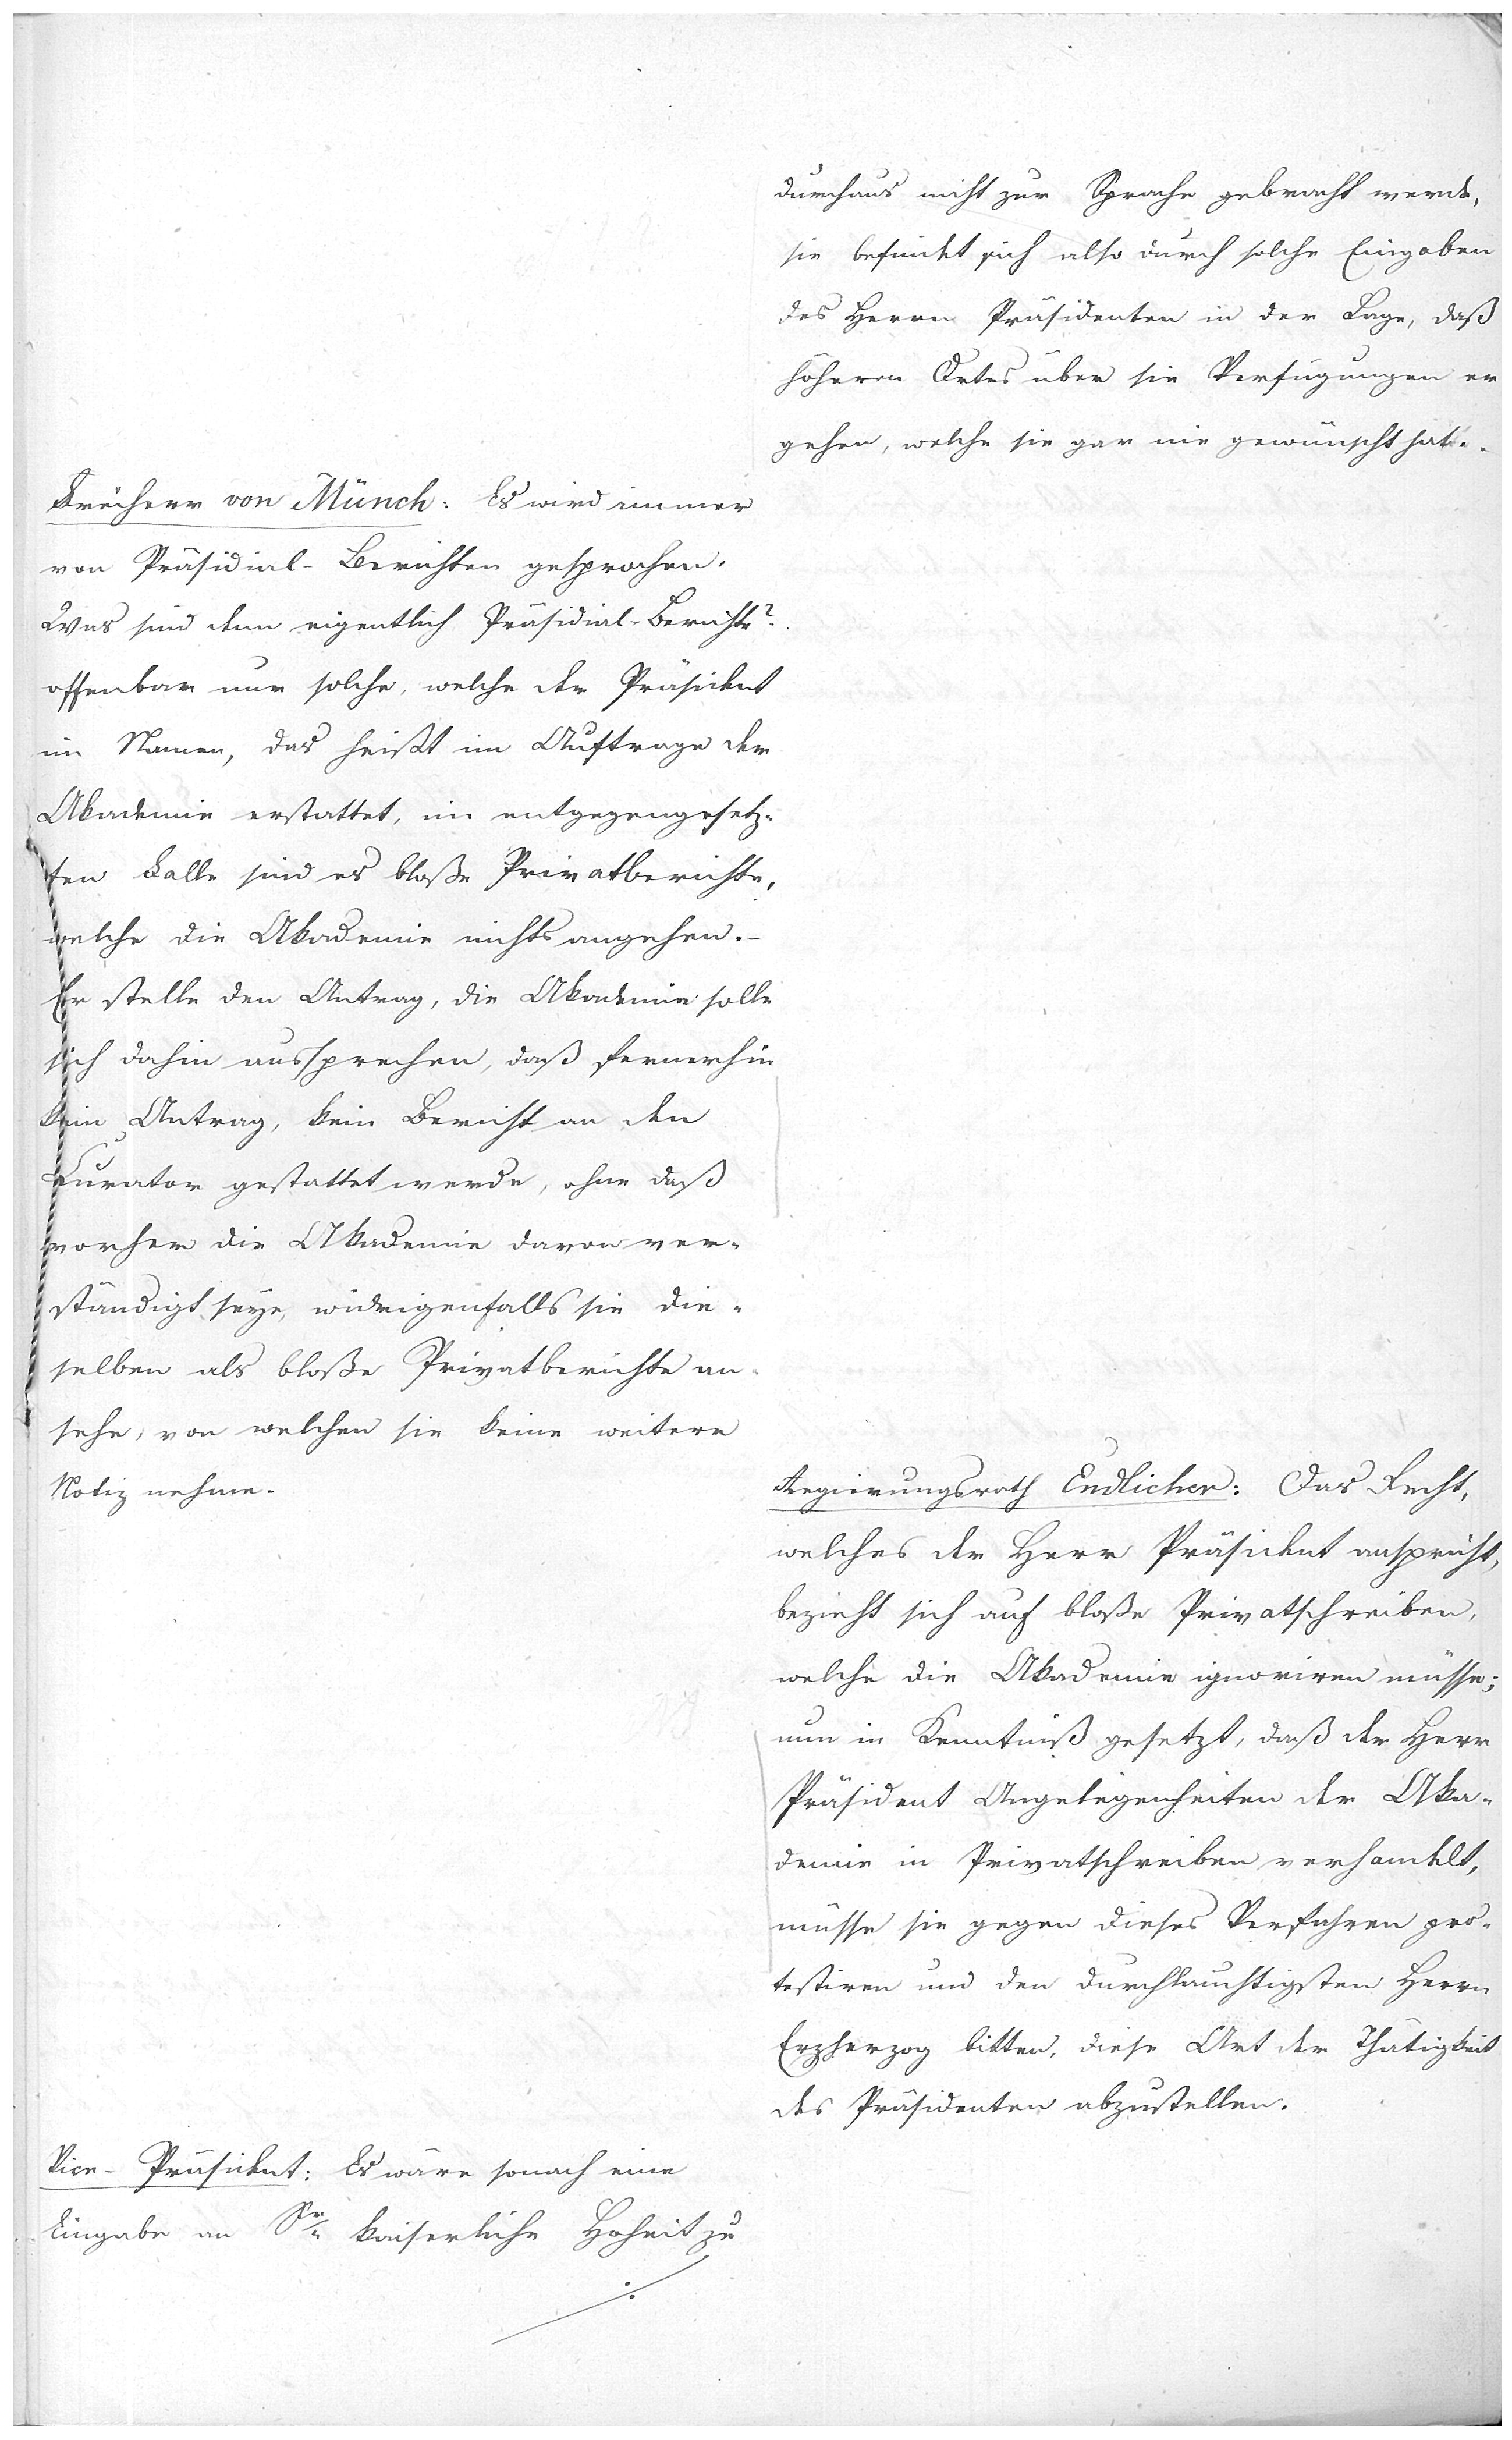durchaus nicht zur Sprache gebracht werde,
sie befindet sich also durch solche Eingaben
des Herrn Präsidenten in der Lage, daß
höheren Ortes über sie Verfügungen er-
gehen, welche sie gar nicht gewünscht hat.
Freiherr von Münch: Es wird immer
von Präsidial-Berichten gesprochen.
Was sind denn eigentlich Präsidial-Berichte?
offenbar nur solche, welche der Präsident
im Namen, das heißt im Auftrage der
Akademie erstatt, im entgegengesetz-
ten Fall sind es bloße Privatberichte,
welche die Akademie nichts angehen.
Er stelle den Antrag, die Akademie sollte
sich dahin ausprechen, daß fernerhin
kein Antrag, kein Bericht an den
Curator gestattet werde, ohne daß
vorher die Akademie davon ver-
ständigt seye, widrigenfalls sie die-
selben als bloße Privatberichte an-
sehe, von welchen sie keine weitere
Notiz nehme.
Regierungsrath Endlicher: Das Recht,
welche der Herr Präsident anspricht,
bezieht sich auß bloße Privatschreiben,
welche die Akademie ignoriren müsse;
nun in Kenntniß gesetzt, daß der Herr
Präsident Angelegenheiten der Aka-
demie in Privatschreiben verhandelt,
müsse sie gegen dieses Verfahren pro-
testiren und den durchlauchtigsten Herrn
Erzherzog bitten, diese Art der Thätigkeit
des Präsidenten abzustellen.
Vice-Präsident: Es wäre sonach eine
Eingabe an Sr. kaiserliche Hoheit zu